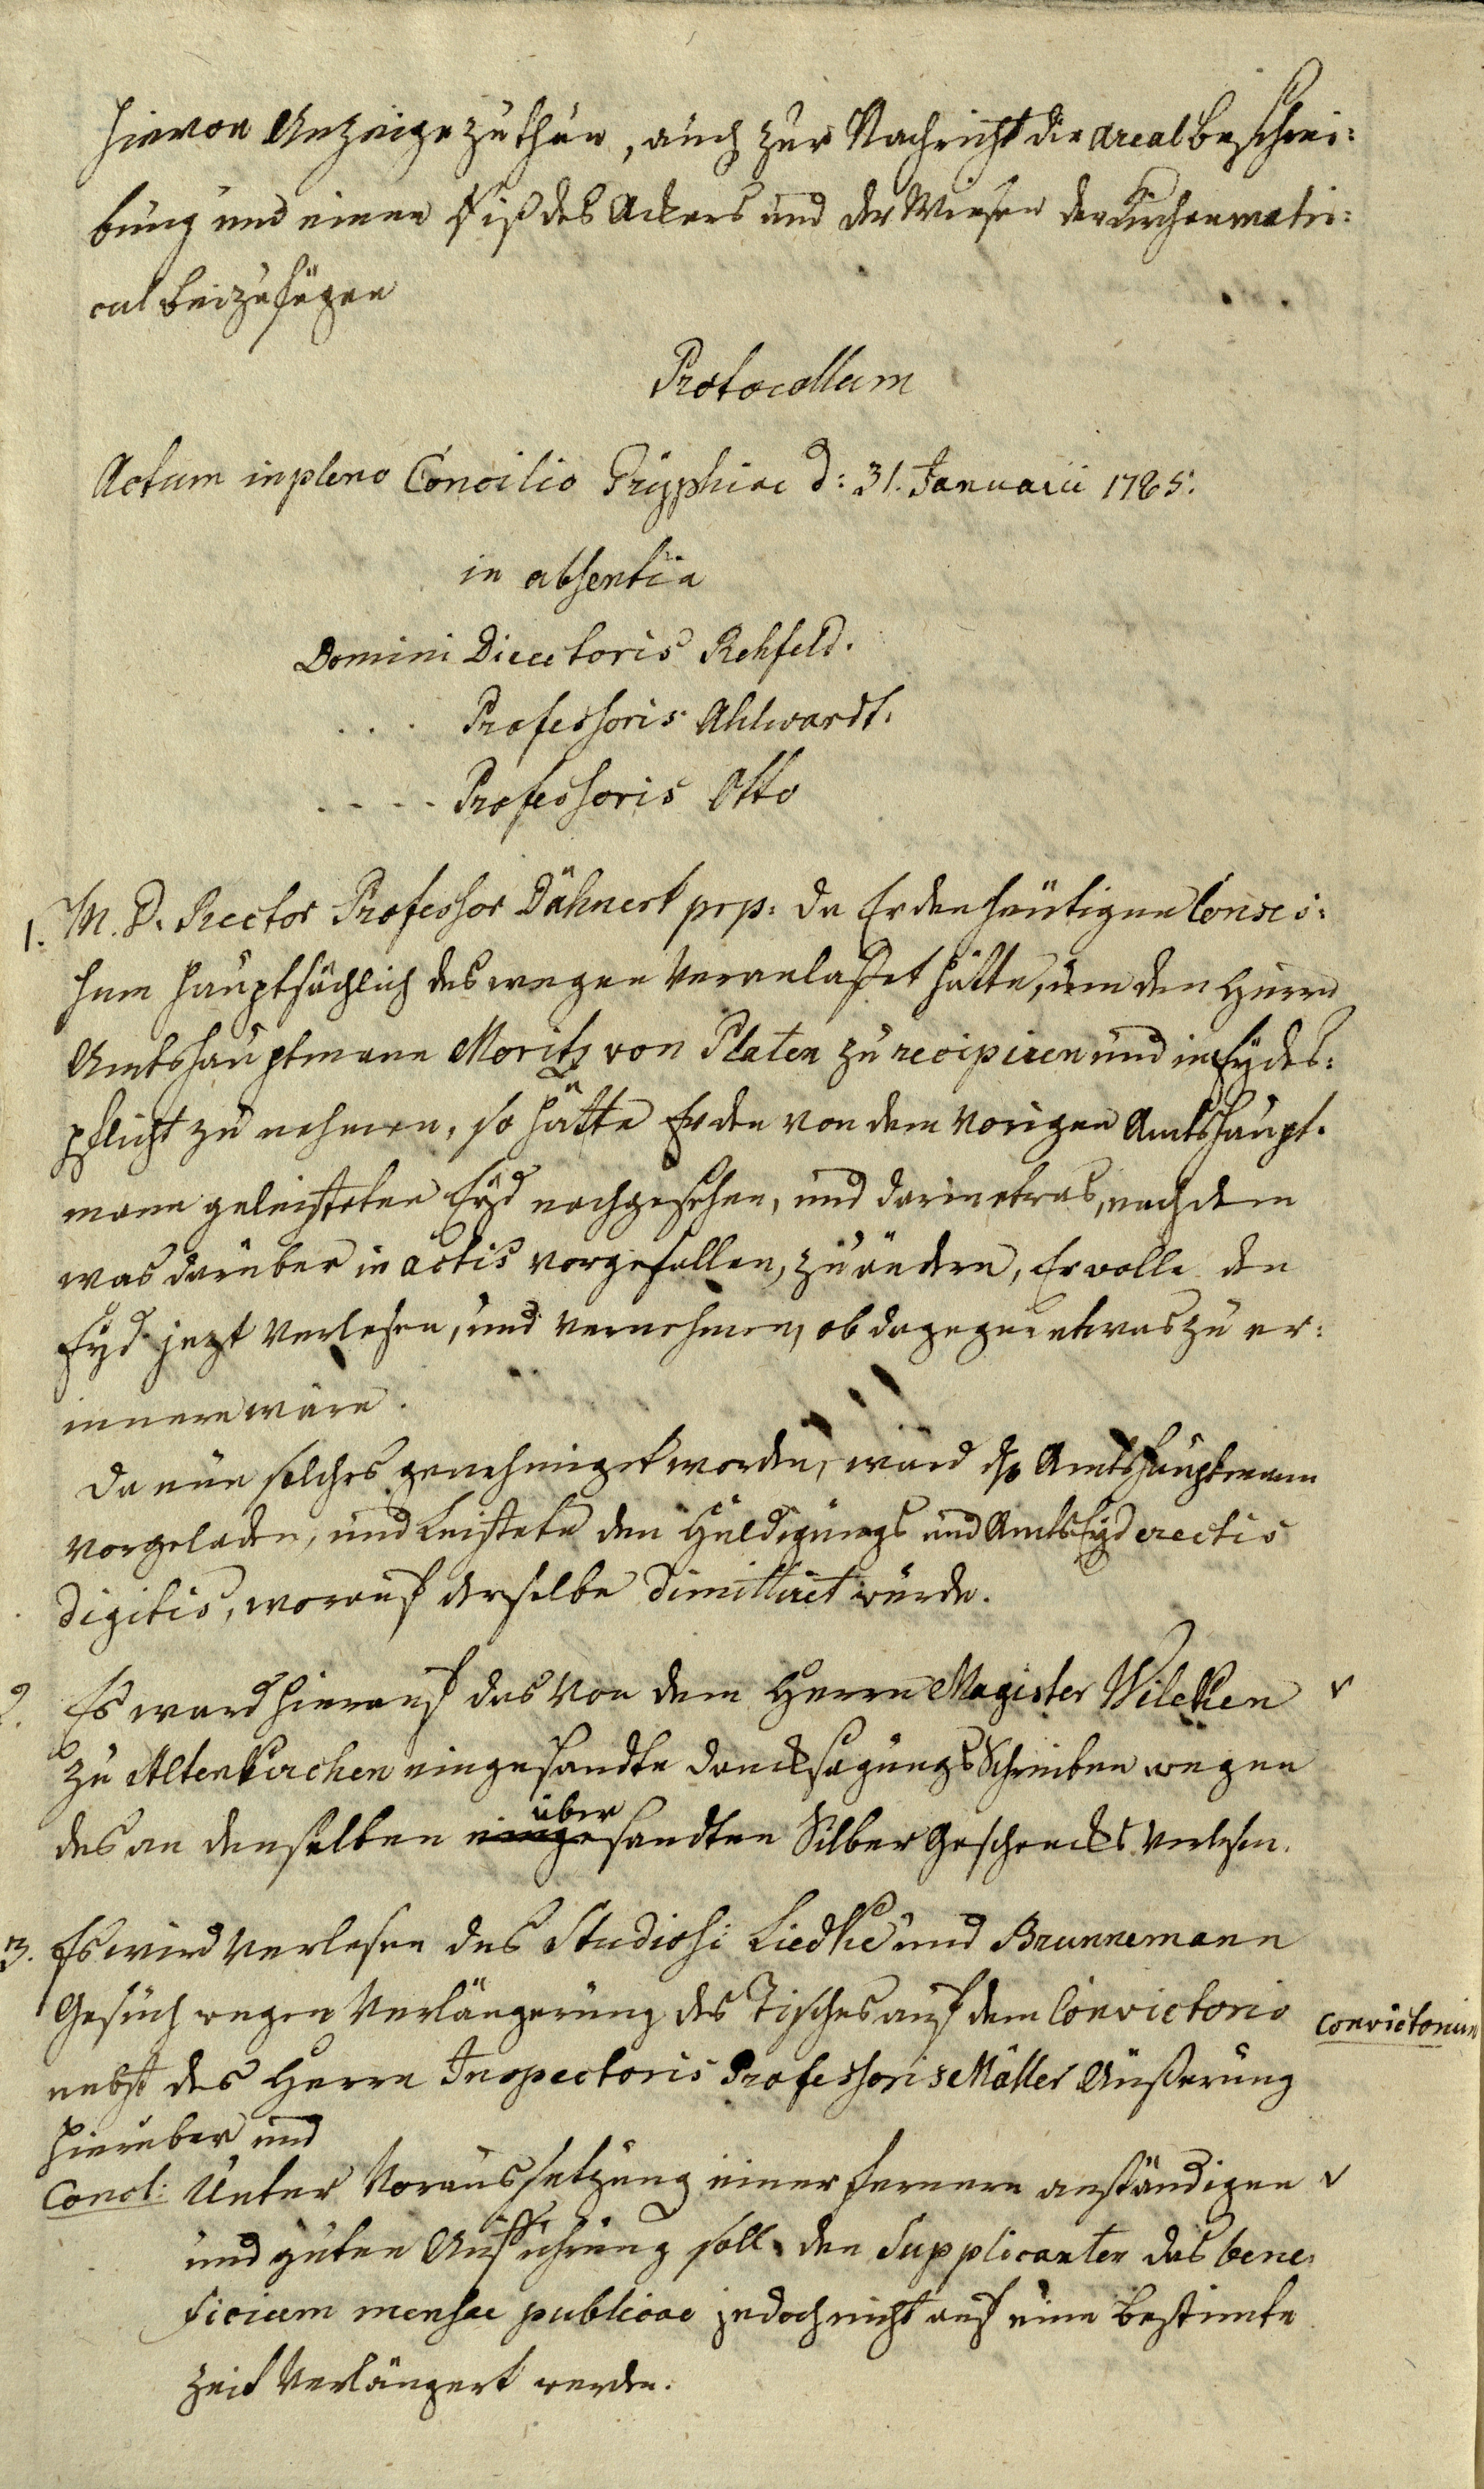hievon Anzeige zu thun, auch zur nachricht die Arealbeschrei¬
bung und einen Riß des Ackers und der Wiesen der Kirchenmatri¬
cul beizufügen.
Protocollum
Actum in pleno Concilio Grÿphiae d. 31. Januarii 1785.
in absentia
Domini Directoris Rehfeld.
Professoris Ahlwardt.
Professoris Otto
1. M. D. Rector Professor Dähnert prp. Da Er den heutigen Conses¬
sum hauptsächlich deswegen veranlaßet hätte, um den Herrn
Amtshauptmann Moritz von Platen zu recipiren und in Eÿdes¬
pflicht zu nehmen, so hätte Er den von dem vorigen Amtshaupt¬
mann geleisteten Eÿd nachgesehen, und darin etwas, nachdem
was darüber in actis vorgefallen, zu ändern, Er wolle den
Eÿd jezt verlesen, und vernehmen, ob dagegen etwas zu er¬
innern wäre.
da nun solches genehmiget worden, wird dh. Amtshauptmann
vorgeladen, und leistete den Huldigungs und AmtsEÿd erectis
digitis, worauf derselbe dimittiret wurde.
2. Es ward hierauf das von dem Herrn Magister Wilcken
zu Altenkirchen eingesandte DancksagungsSchreiben wegen
des an denselben übersandten Silbergeschencks verlesen.
3. Es wird verlesen des Studiosi Liedke und Baumann
Gesuch wegen Verlängerung des Tisches auf dem Convictorio
nebst des Herrn Inspectoris Professoris Möller Äußerung
hierüber und
Concl. Unter Voraussetzung einer fernern anständigen
und guten Außuhrung soll den Supplicanten das bene¬
ficium mensae publicae jedoch nicht auf eine bestimte
Zeit verlängert werden.